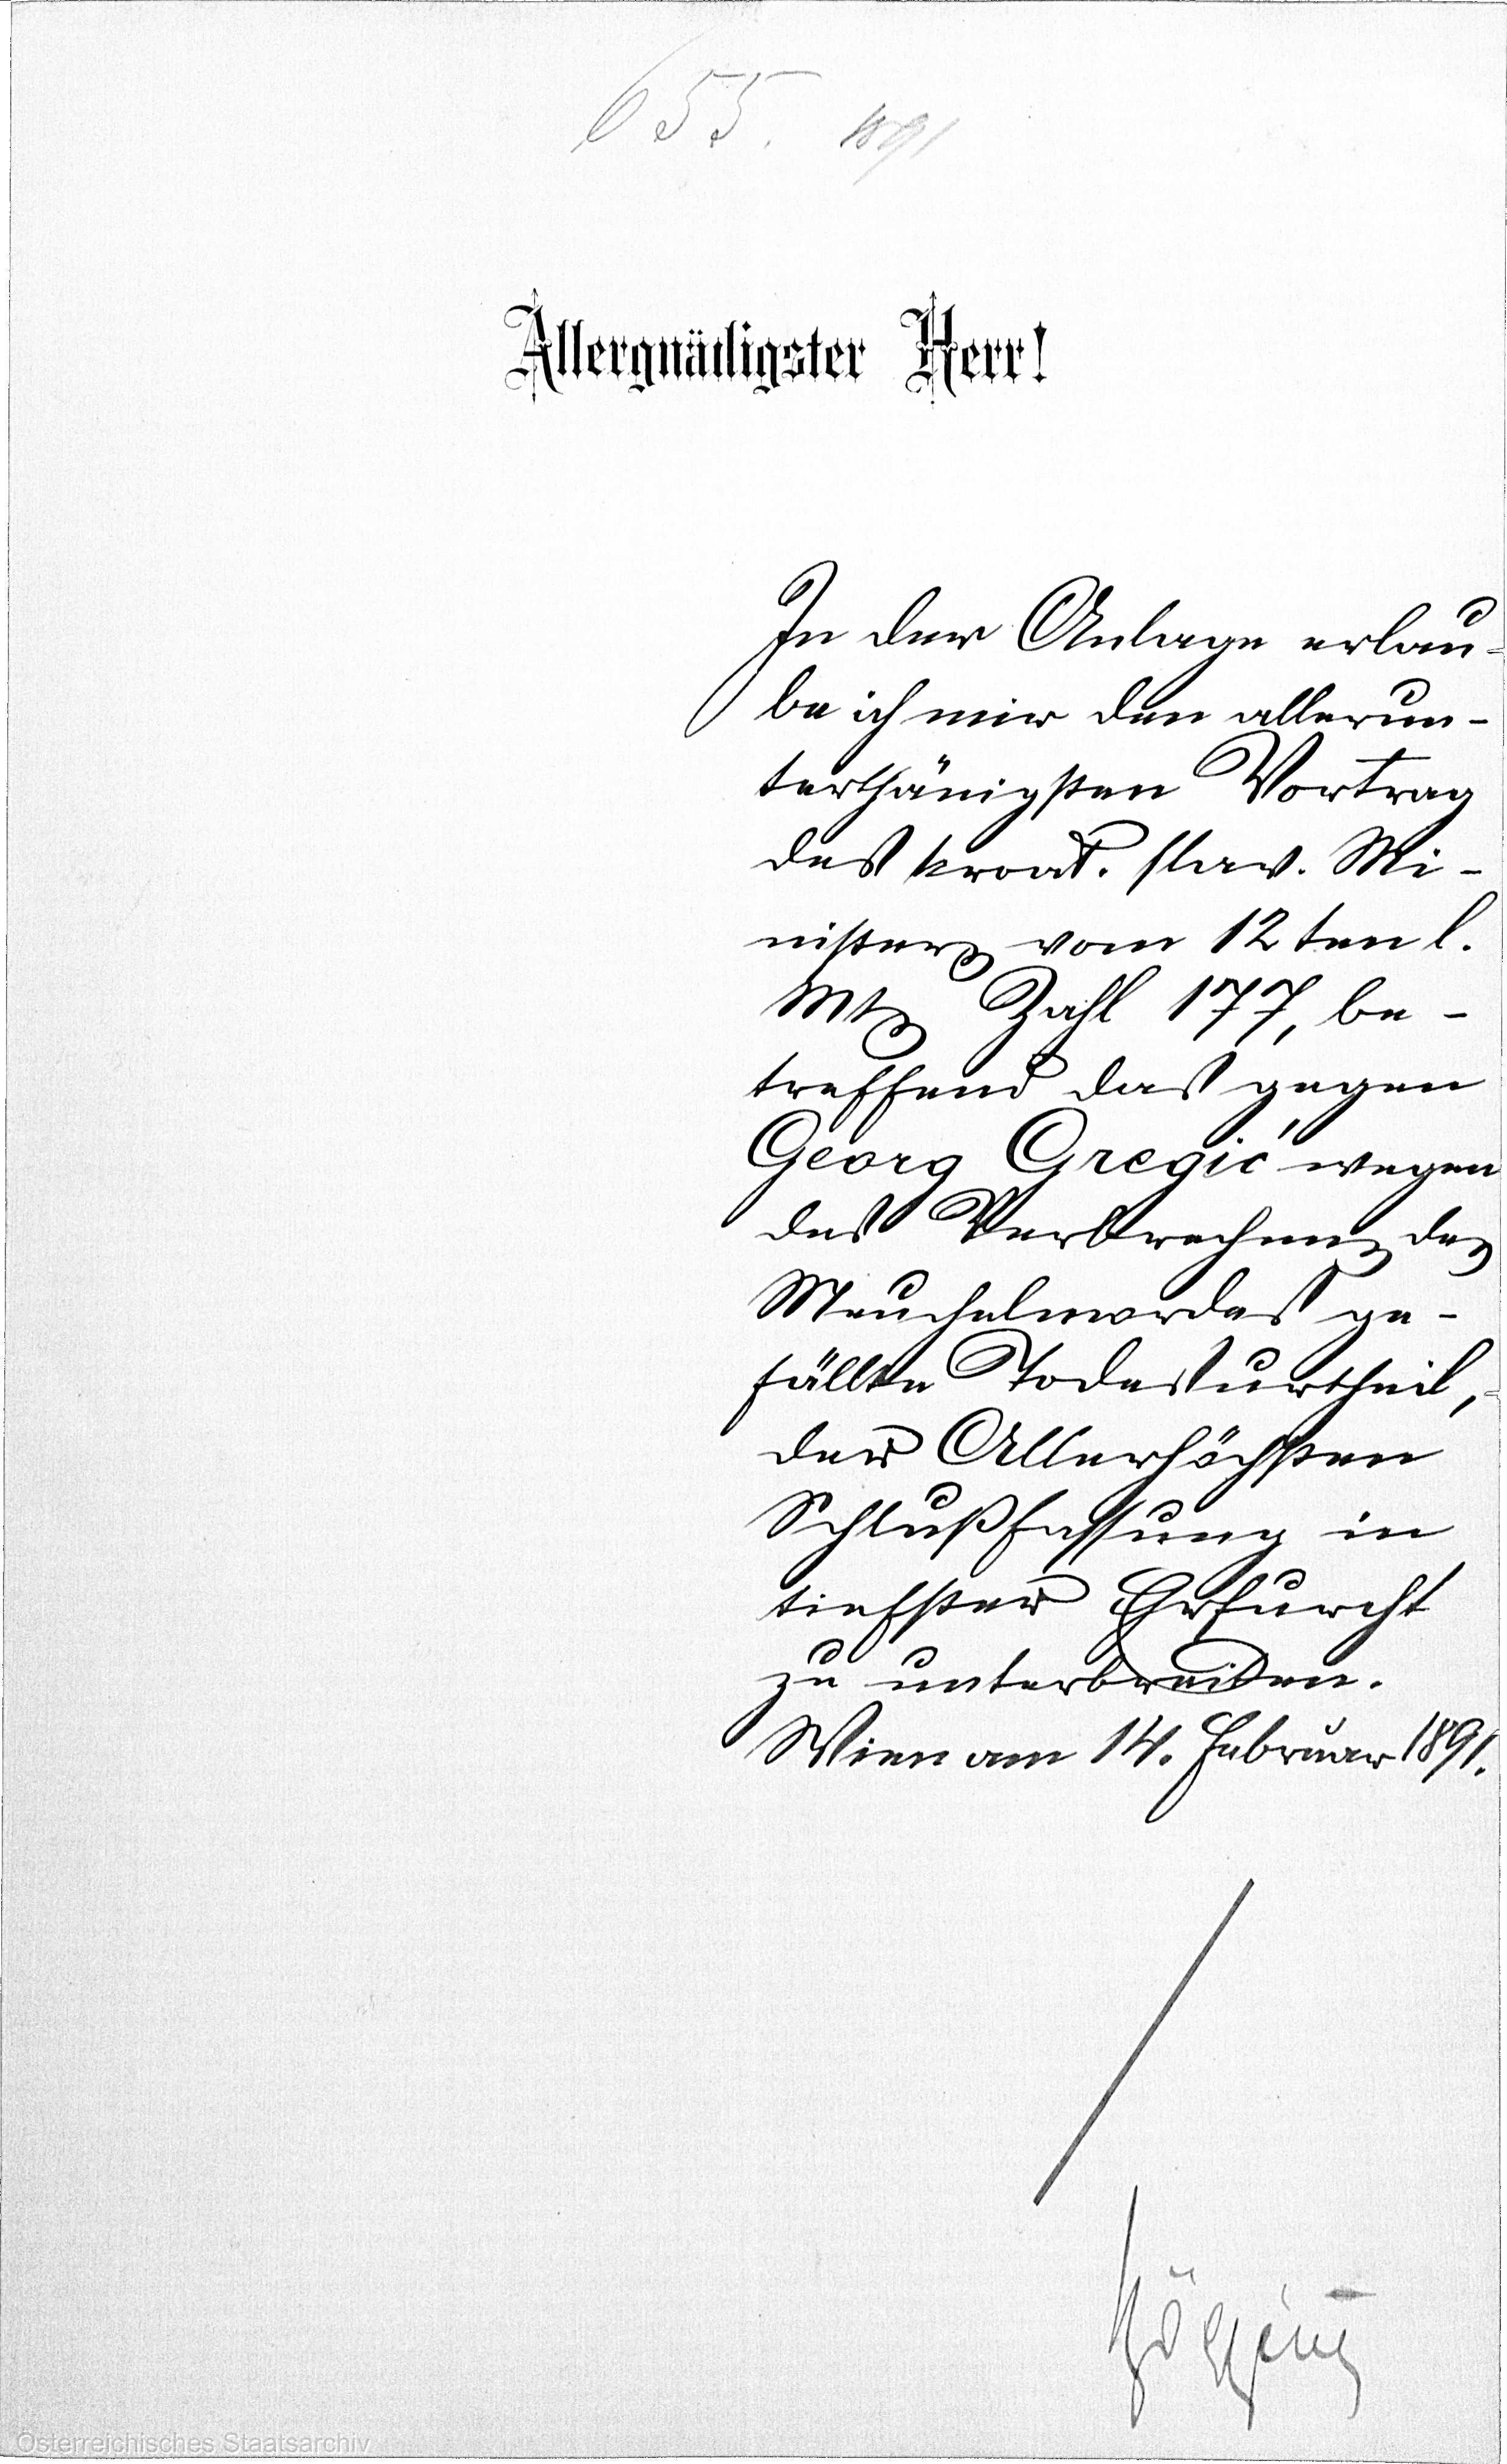655. B91
Akkergnärligster Herr!
Ub der Anlage erlau¬
be ich mies den allerun¬
terthänigssen Vortrag
des kroat. Starw. Mi¬
mister vom 12 ten l.
Mr Zahl 177, be¬
traffend das gegen
Georg Gregic wegen
des Verdrechen der
Meuchlmordes ge¬
hällte Todesurtheil,
der Allerhöchsten
Schlußhassung in
tiefsser Erfurcht
zu unterbruiden.
Wien am 14. Fabruar 1891.
Högeixx